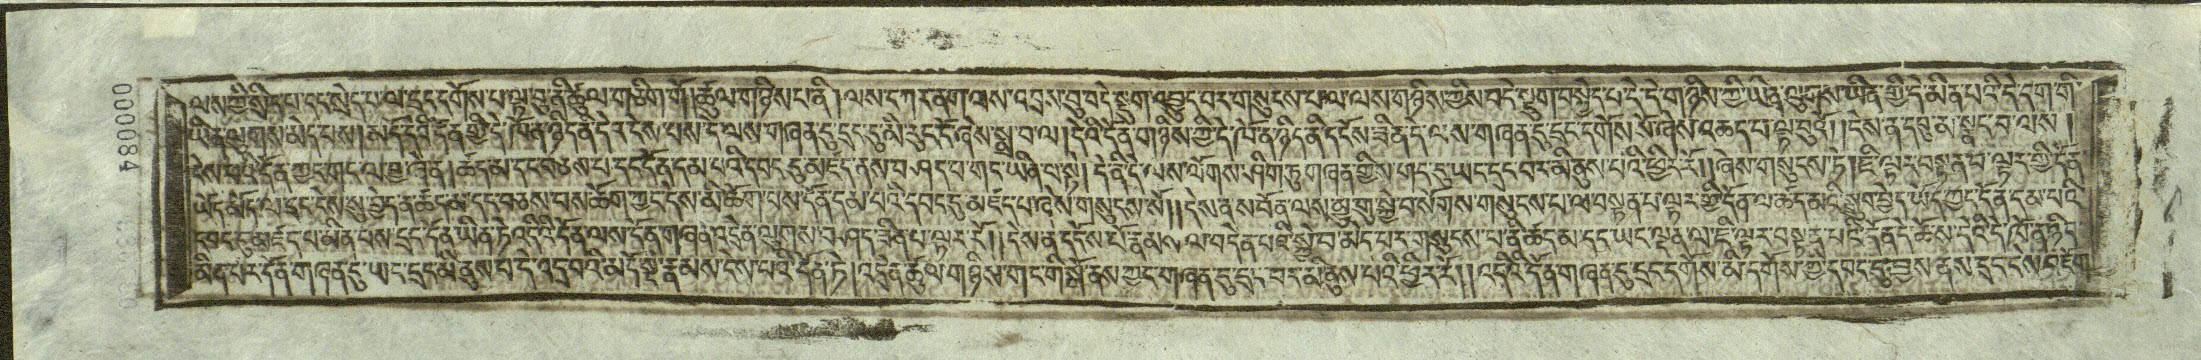ལས་ཀྱི་སྲིད་པ་དང་སྲེད་པ་ལ་དྲང་དགོས་པ་ལྟ་བུ་ནི་ཚུལ་གཅིག་གོ། ཚུལ་གཉིས་པ་ནི། ལས་དཀར་ནག་ལས་འབྲས་བུ་བདེ་སྡུག་འབྱུང་བར་གསུངས་པ་ལ་ལས་གཉིས་ཀྱིས་བདེ་སྡུག་བསྐྱེད་པ་དེ་དེ་གཉིས་ཀྱི་ཡིན་ལུགས་ཡིན་གྱི་དེ་མིན་པའི་དེ་དག་གི་
ཡིན་ལུགས་མེད་པས། མདོ་དེའི་དོན་གྱི་དེ་ཁོ་ན་ཉིད་ན་དེར་ངེས་པས་དེ་ལས་གཞན་དུ་དྲང་དུ་མི་རུང་ངོ་ཞེས་སྨྲ་བ་ལ། དེའི་དོན་གཉིས་ཀྱི་དེ་ཁོ་ན་ཉིད་ནི་དངོས་ཟིན་དེ་ལས་གཞན་དུ་དྲང་དགོས་སོ་ཞེས་འཆད་པ་ལྟ་བུའོ། །དེས་ན་དབུ་མ་སྣང་བ་ལས།
ངེས་པའི་དོན་ཀྱང་གང་ལ་བྱ་ཞེ་ན། ཚད་མ་དང་བཅས་པ་དང་དོན་དམ་པའི་དབང་དུ་མཛད་ནས་བཤད་པ་གང་ཡིན་པ་སྟེ། དེ་ནི་དེ་ལས་ལོགས་ཤིག་ཏུ་གཞན་གྱིས་གང་དུ་ཡང་དྲང་བར་མི་ནུས་པའི་ཕྱིར་རོ། །ཞེས་གསུངས་ཏེ། ཇི་ལྟར་བསྟན་པ་ལྟར་གྱི་དོན་
ཡོད་མེད་ལ་དྲང་ངེས་སུ་བྱེད་ན་ཚད་མ་དང་བཅས་པས་ཆོག་ཀྱང་དེས་མི་ཆག་པས་དོན་དམ་པའི་དབང་དུ་མཛད་པ་ཞེས་གསུངས་སོ། །དེས་ནས་བོན་ལས་མྱུ་གུ་སྐྱེ་བ་སོགས་གསུངས་པ་ལ་བསྟན་པ་ལྟར་གྱི་དོན་ལ་ཚད་མའི་སྒྲུབ་བྱེད་ཡོད་ཀྱང་དོན་དམ་པའི་
དབང་དུ་མཛད་པ་མིན་པས་དྲང་དོན་ཡིན་ཏེ་འདིའི་དོན་ལས་དོན་གཞན་འདྲེན་ལུགས་བཤད་ཟིན་པ་ལྟར་རོ། །དེས་ན་དངོས་པོ་རྣམས་ལ་བདེན་པའི་སྐྱེ་བ་མེད་པར་གསུངས་པ་ནི་ཚད་མ་དང་ཡང་ལྡན་ལ་ཇི་ལྟར་བསྟན་པའི་དོན་དེ་ཆོས་དེའི་དེ་ཁོ་ན་ཉིད་
མིན་པར་དོན་གཞན་དུ་ཡང་དྲང་མི་ནུས་པ་དེ་འདྲ་བའི་མདོ་སྡེ་རྣམས་ངེས་པའི་དོན་ཏེ། འདྲེན་ཚུལ་གཉིས་གང་གི་སྒོ་ནས་ཀྱང་གཞན་དུ་དྲང་བར་མི་ནུས་པའི་ཕྱིར་རོ། །འདིའི་དོན་གཞན་དུ་དྲང་དགོས་མི་དགོས་ཀྱི་དབང་དུ་བྱས་ནས་དྲང་ངེས་འཇོག་